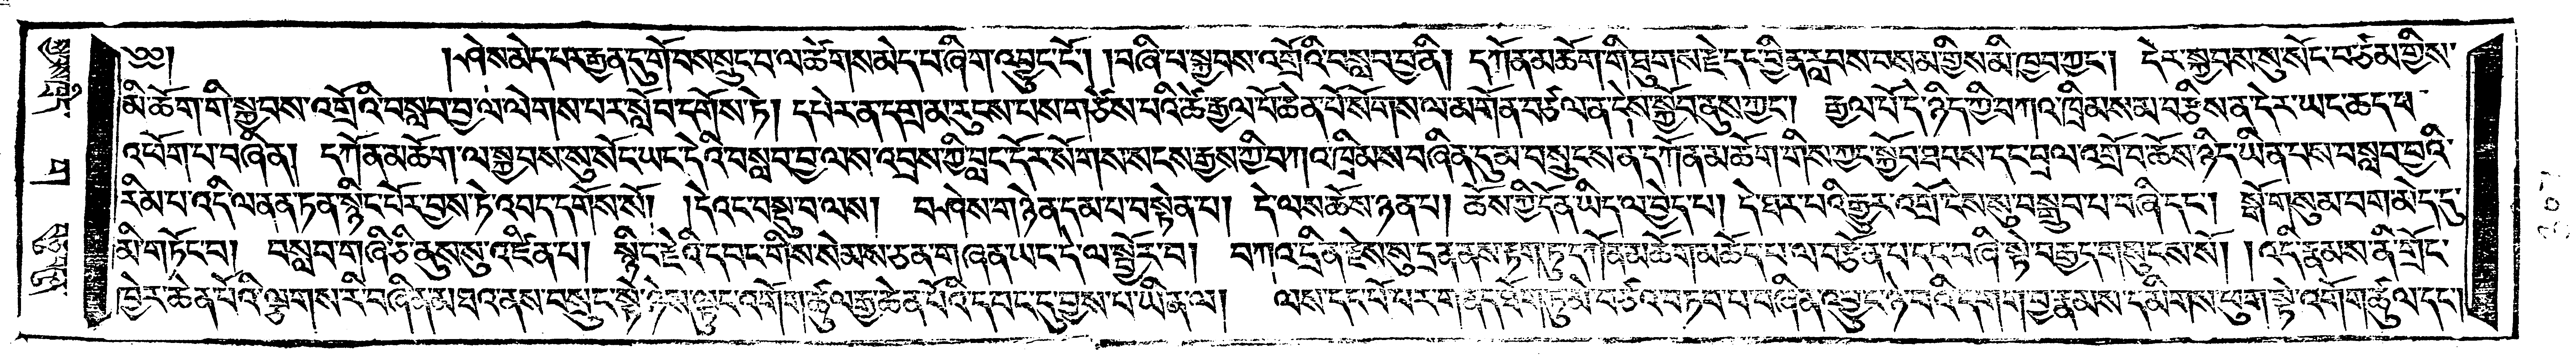༄༅། །ཤེས་མེད་པར་རྒྱན་དུ་གོ་བས་སྲུང་བ་ལ་ཚེགས་མེད་པ་ཞིག་འབྱུང་ངོ། །བཞི་པ་སྐྱབས་འགྲོའི་བསླབ་བྱ་ནི། དཀོན་མཆོག་གི་ཐུགས་རྗེ་དང་བྱིན་རླབས་བསམ་གྱིས་མི་ཁྱབ་ཀྱང་། དེར་སྐྱབས་སུ་སོང་བ་ཙམ་གྱིས་
མི་ཆོག་གི་སྐྱབས་འགྲོའི་བསླབ་བྱ་ལ་ལེགས་པར་སློབ་དགོས་ཏེ། དཔེར་ན་དགྲ་མ་རུངས་པས་གཙེས་པའི་ཚེ་རྒྱལ་པོ་ཆེན་པོ་སོགས་ལ་མགོན་བཙལ་ན་དེས་སྐྱོབ་ནུས་ཀྱང་། རྒྱལ་པོ་དེ་ཉིད་ཀྱི་བཀའ་ཁྲིམས་མ་བརྩིས་ན་དེར་ཡང་ཆད་པ་
འཕོག་པ་བཞིན། དཀོན་མཆོག་ལ་སྐྱབས་སུ་སོང་ཡང་དེའི་བསླབ་བྱ་ལས་འབྲས་ཀྱི་བླང་དོར་སོགས་སངས་རྒྱས་ཀྱི་བཀའ་ཁྲིམས་བཞིན་དུ་མ་བསྲུངས་ན་དཀོན་མཆོག་གིས་ཀྱང་སྐྱོབ་ཐབས་དང་བྲལ་འགྲོ་བ་ཆོས་ཉིད་ཡིན་པས་བསླབ་བྱའི་
རིམ་པ་འདི་ལ་ནན་ཏན་སྙིང་པོར་བྱས་ཏེ་འབད་དགོས་སོ། །དེའང་བསྡུ་བ་ལས། བཤེས་གཉེན་དམ་པ་བསྟེན་པ། དེ་ལས་ཆོས་ཉན་པ། ཆོས་ཀྱི་དོན་ཡིད་ལ་བྱེད་པ། དེ་ཐར་པའི་རྒྱུར་འགྲོ་ངེས་སུ་བསྒྲུབ་པ་བཞི་དང་། སྒོ་གསུམ་བག་མེད་དུ་
མི་གཏོང་བ། བསླབ་གཞི་ཅི་ནུས་སུ་འཛིན་པ། སྙིང་རྗེའི་དབང་གིས་སེམས་ཅན་གཞན་ཡང་དེ་ལ་སྦྱོར་བ། བཀའ་དྲིན་རྗེས་སུ་དྲན་ནས་རྟག་ཏུ་དཀོན་མཆོག་མཆོད་པ་ལ་བརྩོན་པ་དང་བཞི་སྟེ་བརྒྱད་གསུངས་སོ། །འདི་རྣམས་ནི་གྲོང་
ཁྱེར་ཆེན་པོའི་ལྕགས་རི་བཞིན་མཐའ་ནས་བསྲུང་སྟེ་ཉེས་ལྟུང་འགོག་ཚུལ་རྒྱ་ཆེན་པོའི་དབང་དུ་བྱས་པ་ཡིན་ལ། ལས་དང་ཕོ་པར་གནད་ཐོག་ཏུ་མེ་བཙའ་བཏབ་པ་བཞིན་འབྱུང་ཉེ་བའི་དགག་བྱ་རྣམས་དམིགས་ཕུག་སྟེ་འགོག་ཚུལ་དང་